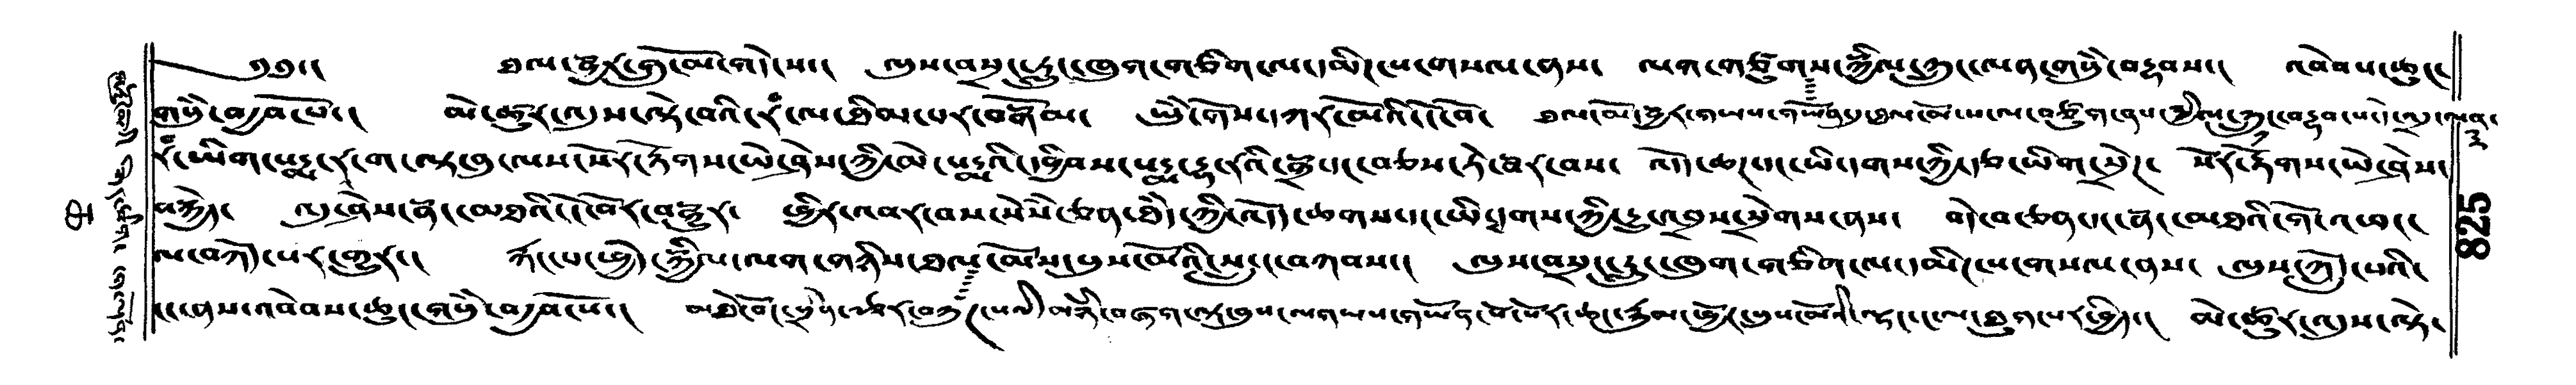ཐལ་སྦྱར་གྲུ་མོ་གདེངས། ལུས་བསྲང་། རླུང་ཁུག་གཅིག་ལ་དམིགས་པ་གསལ་ནས། ལག་གཙུགས་སྐྱིལ་ཀྲུང་ལན་གསུམ་བརྡབ། འབེབས་ཆུང་
གསུམ་བརྒྱབ་པོ། མེ་ཚུར་འདུས་ལྟེ་བའི་རཾ་ལ་ཐིམ་པར་བསྒོམ། ཡུམ་གོས་དཀར་མོའི་ངོ་བོ། ་་་་་་
རྃ་ཡིག་པདྨ་རཱ་ག་ལྟ་བུ་ལས་སོར་རྟོགས་ཡེ་ཤེས་ཀྱི་མེ་པདྨའི་དབྱིབས་པདྨ་དྷ་རའི་སྒྲ་དང་བཅས་ཏེ་སྦར་བས། འདོད་ཆགས་དང་ཡི་དྭགས་ཀྱི་རྩ་ཡིག་སྲེགས། སོར་རྟོགས་ཡེ་ཤེས་
བསྐྱེད། འདུ་ཤེས་སྣང་མཐའི་ངོ་བོར་བསྒྱུར། ཕྱིར་འབར་བས་སེམས་ཅན་ཐམས་ཅད་ཀྱི་འདོད་ཆགས་དང་ཡི་དྭགས་ཀྱི་རྒྱུ་འབྲས་བསྲེགས་ནས། བདེ་བ་ཅན་དང་སྣང་མཐའི་གོ་འཕང་
ལ་བཀོད་པར་གྱུར།རྐང་པ་ཕྱེད་སྐྱིལ་ལག་གཉིས་ཐལ་མོས་པུས་མོའི་ལྷང་བཀབ། ལུས་བསྲང་རླུང་ཁུག་གཅིག་ལ་དམིགས་པ་གསལ་ནས། ལུས་གློད་པའི་
ངང་ནས་འབེབས་ཆུང་གསུམ་བརྒྱབ་པོ། མེ་ཚུར་འདུས་ལྟེ་